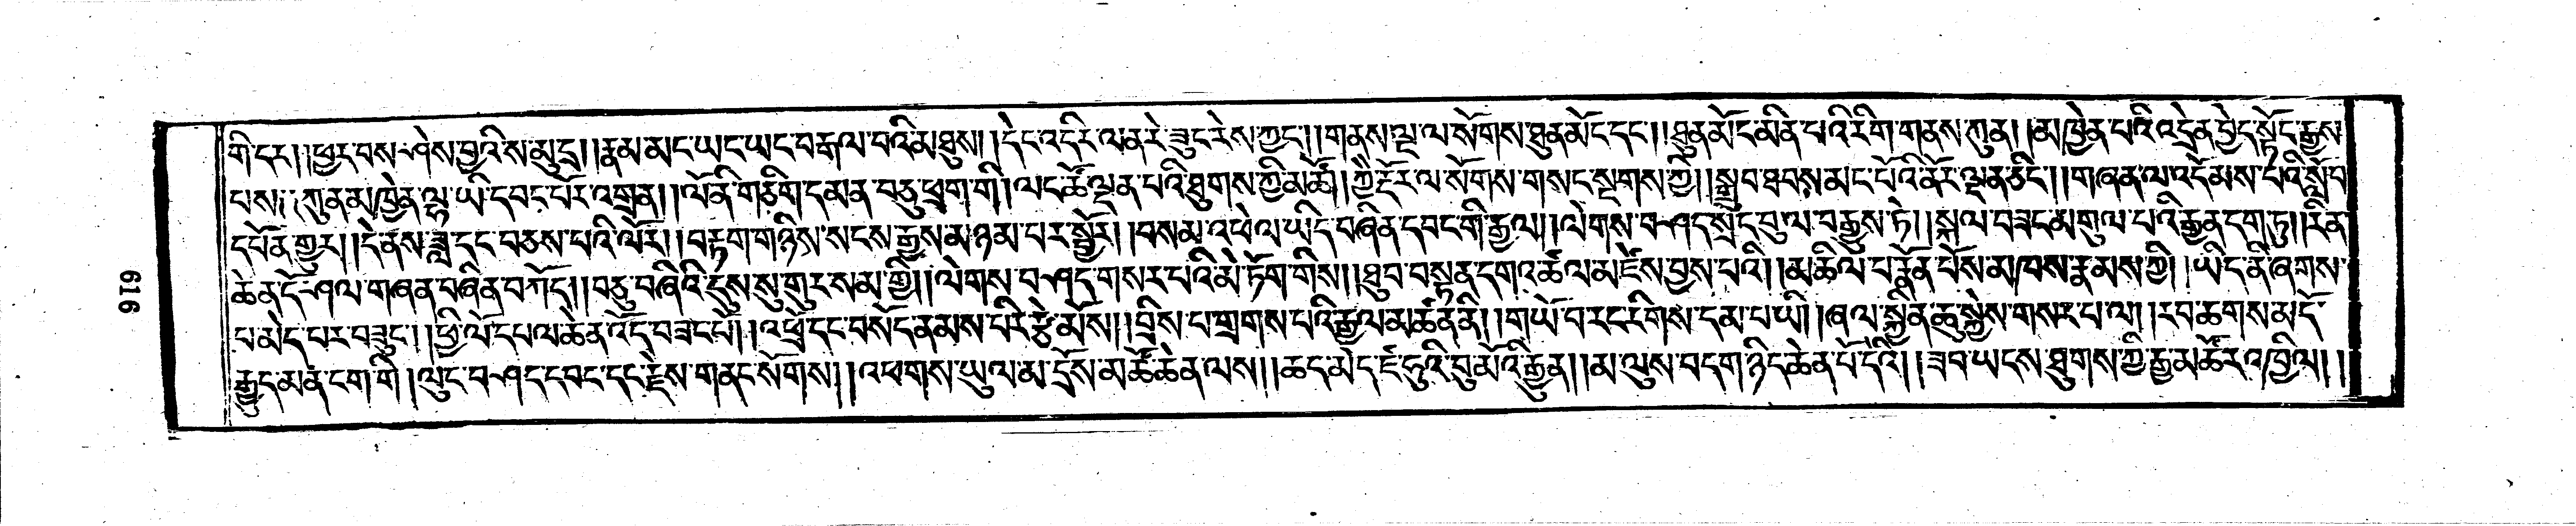གི་དར། །ཕྱར་བས་ཤེས་བྱའི་ས་མུ་དྲ། །རྣམ་མང་ཡང་ཡང་བརྒལ་བའི་མཐུས། །དེང་འདིར་ལན་རེ་ཟུང་རེས་ཀྱང་། །གནས་ལྔ་ལ་སོགས་ཐུན་མོང་དང་། །ཐུན་མོང་མིན་པའི་རིག་གནས་ཀུན། །མཁྱེན་པའི་འདྲེན་བྱེད་སྟོང་རྒྱས་
པས༑ ༑ཀུན་མཁྱེན་ལྷ་ཡི་དབང་པོར་འགྲན། །ལོ་ནི་གཅིག་དམན་བཅུ་ཕྲག་གི །ལང་ཚོ་ལྡན་པའི་ཐུགས་ཀྱི་མཚོ། །ཀྱཻ་རྡོར་ལ་སོགས་གསང་སྔགས་ཀྱི། །སྒྲུབ་ཐབས་མང་པོའི་ནོར་ལྡན་ཅིང་། །གཞན་ལ་འདོམས་པའི་སློབ་
དཔོན་གྱུར། །དེ་ནས་ཟླ་དང་བཅས་པའི་ལོར། །བརྟག་གཉིས་སངས་རྒྱས་མཉམ་པར་སྦྱོར། །བསམ་འཕེལ་ཡིད་བཞིན་དབང་གི་རྒྱལ། །ལེགས་བཤད་སྲད་བུ་ལ་བརྒྱུས་ཏེ། །སྐལ་བཟང་མགུལ་པའི་རྒྱན་དག་ཏུ། །རིན་
ཆེན་དོ་ཤལ་གཞན་བཞིན་བཀོད། །བཅུ་བཞིའི་དུས་སུ་གུར་སམ་གྱི། །ལེགས་བཤད་གསར་པའི་མེ་ཏོག་གིས། །ཐུབ་བསྟན་དགའ་ཚལ་མཛེས་བྱས་པའི། །མཆིལ་པ་རྣོན་པོས་མཁས་རྣམས་ཀྱི། །ཡིད་ནི་ཞགས་
པ་མེད་པར་བཟུང་། །ཕྱི་ལོ་དཔལ་ཆེན་འོད་བཟང་པོ། །འཕྲེ་དང་བསོད་ནམས་པིར་རྩེ་མོས། །བྲིས་པ་གྲགས་པའི་རྒྱལ་མཚན་ནི། །གཡོ་བ་རང་རིགས་དམ་པ་ཡི། །ཞལ་སྐྱེན་ཆུ་སྐྱེས་གསར་པ་ལ། །རབ་ཆགས་མདོ་
རྒྱུད་མན་ངག་གི །ལུང་བཤད་དབང་དང་རྗེས་གནང་སོགས། །འཕགས་ཡུལ་མ་དྲོས་མཚོ་ཆེན་ལས། །ཚད་མེད་ཛ་ཧུའི་བུ་མོའི་རྒྱུན། །མ་ལུས་བདག་ཉིད་ཆེན་པོ་དེའི། །ཟབ་ཡངས་ཐུགས་ཀྱི་རྒྱ་མཚོར་འཁྱིལ། །